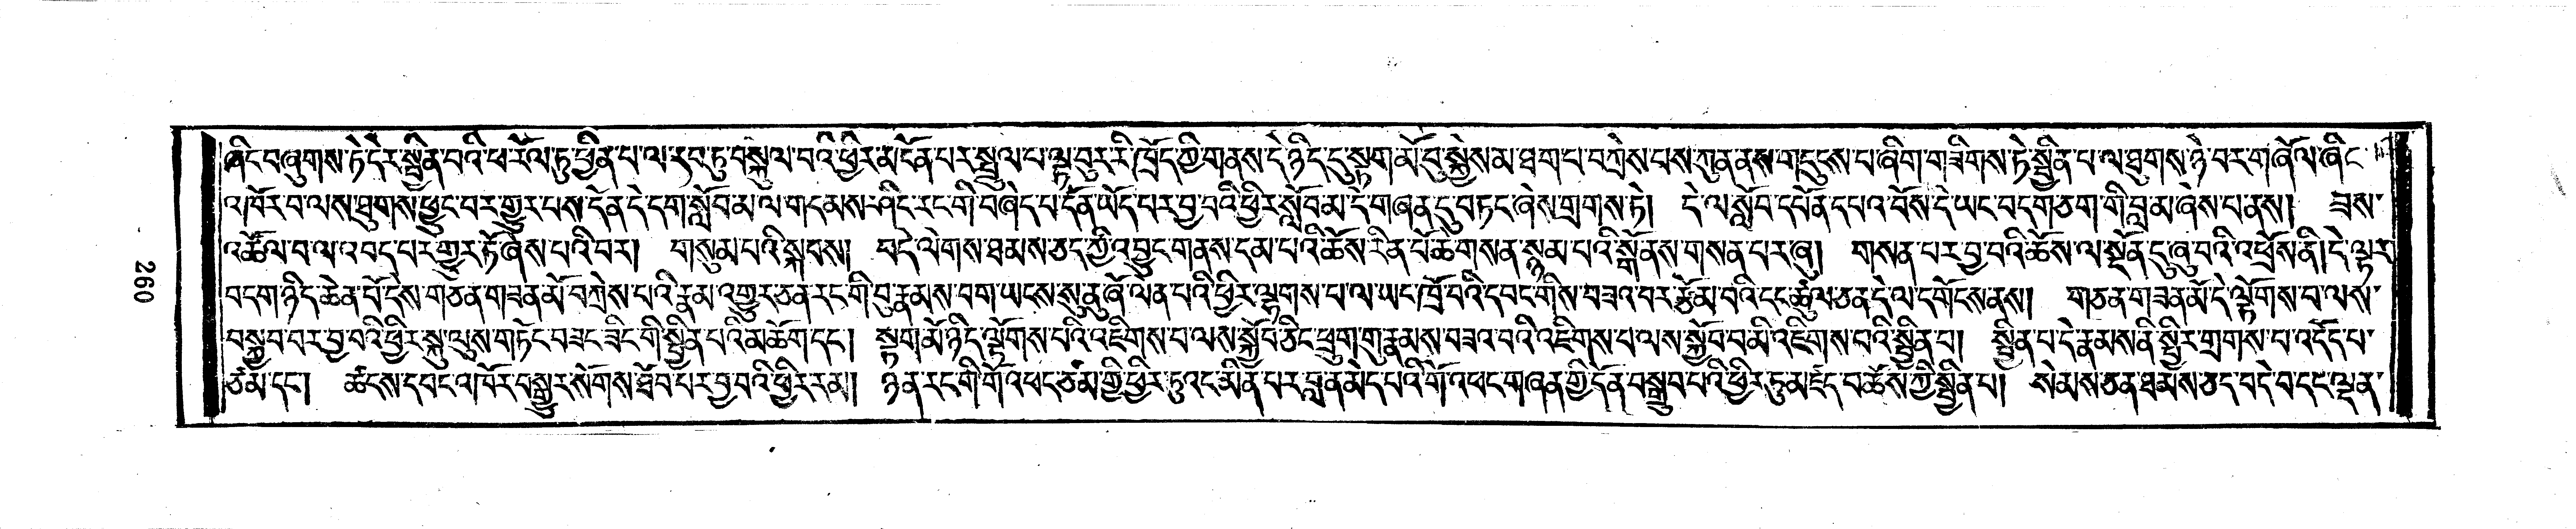ཞིང་བཞུགས་ཏེ་དེར་སྦྱིན་པའི་ཕ་རོལ་ཏུ་ཕྱིན་པ་ལ་རབ་ཏུ་བསྐུལ་བའི་ཕྱིར་མངོན་པར་སྤྲུལ་པ་ལྟ་བུར་རི་ཁྲོད་ཀྱི་གནས་དེ་ཉིད་དུ་སྟག་མོ་བུ་སྐྱེས་མ་ཐག་པ་བཀྲེས་པས་ཀུན་ནས་གདུངས་པ་ཞིག་གཟིགས་ཏེ་སྦྱིན་པ་ལ་ཐུགས་ཉེ་བར་གཞོལ་ཞིང་
འཁོར་བ་ལས་ཐུགས་ཕྱུང་བར་གྱུར་པས་དོན་དེ་དག་སློབ་མ་ལ་གདམས་ཤིང་རང་གི་བཞེད་པ་དོན་ཡོད་པར་བྱ་བའི་ཕྱིར་སློབ་མ་དེ་གཞན་དུ་བཏང་ཞེས་གྲགས་ཏེ། དེ་ལ་སློབ་དཔོན་དཔའ་བོས་དེ་ཡང་བདག་ཅག་གི་བླ་མ་ཞེས་པ་ནས། ཟས་
འཚོལ་བ་ལ་འབད་པར་གྱུར་ཏོ་ཞེས་པའི་བར། གསུམ་པའི་སྐབས། བདེ་ལེགས་ཐམས་ཅད་ཀྱི་འབྱུང་གནས་དམ་པའི་ཆོས་རིན་པོ་ཆེ་གསན་སྙམ་པའི་སྒོ་ནས་གསན་པར་ཞུ། གསན་པར་བྱ་བའི་ཆོས་ལ་སྡོན་དུ་ཞུ་བའི་འཕྲོས་ནི། དེ་ལྟར་
བདག་ཉིད་ཆེན་པོ་དེས་གཅན་གཟན་མོ་བཀྲེས་པའི་རྣམ་འགྱུར་ཅན་རང་གི་བུ་རྣམས་བག་ཡངས་སུ་ནུ་ཞོ་ལེན་པའི་ཕྱིར་ལྷགས་པ་ལ་ཡང་ཁྲོ་བའི་དབང་གིས་བཟའ་བར་རྩོམ་པའི་དང་ཚུལ་ཅན་དེ་ལ་དགོངས་ནས། གཅན་གཟན་མོ་དེ་ལྟོགས་པ་ལས་
བསྐྱབ་པར་བྱ་བའི་ཕྱིར་སྐུ་ལུས་གཏོང་བཟང་ཟིང་གི་སྦྱིན་པའི་མཆོག་དང་། སྟག་མོ་ཉིད་ལྟོགས་པའི་འཇིགས་པ་ལས་སྐྱོབ་ཅིང་ཕྲུག་གུ་རྣམས་བཟའ་བའི་འཇིགས་པ་ལས་སྐྱོབ་བ་མི་འཇིགས་པའི་སྦྱིན་པ། སྦྱིན་བ་དེ་རྣམས་ནི་སྦྱིར་གྲགས་པ་འདོད་པ་
ཙམ་དང་། ཚངས་དབང་འཁོར་བསྒྱུར་སོགས་ཐོབ་པར་བྱ་བའི་ཕྱིར་རམ། ཉན་རང་གི་གོ་འཕང་ཙམ་གྱི་ཕྱིར་ཏུའང་མིན་པར་བླ་ན་མེད་པའི་གོ་འཕང་གཞན་གྱི་དོན་བསྒྲུབ་པའི་ཕྱིར་ཏུ་མཛད་བ་ཆོས་ཀྱི་སྦྱིན་པ། སེམས་ཅན་ཐམས་ཅད་བདེ་བ་དང་ལྡན་